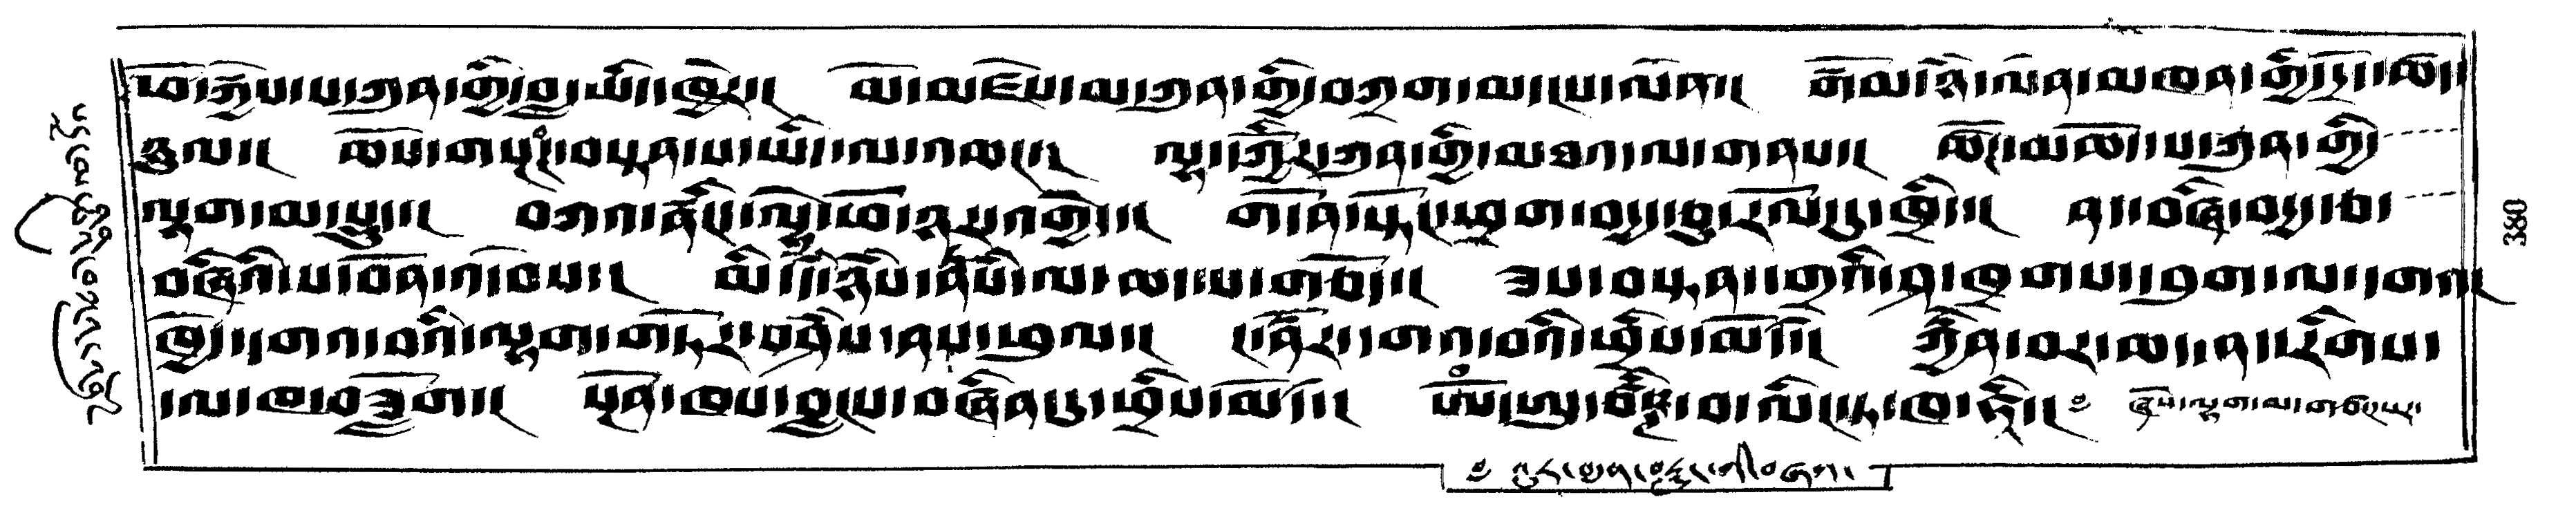།ཕོ་སྐྱེས་པ་ཀུན་ཀྱི་བླ་ཡིད་ཁྱེར། མོ་མཛེས་མ་ཀུན་ཀྱི་བཀྲག་མདངས་ལེན། །སྒོམ་ཉམས་ལེན་མཁན་གྱི་དྲོད་ཚད་
ཉུལ། །ཆོས་གསང་སྔགས་བསྟན་པ་ཡིད་ལ་འཆང་། །ལྷ་དཀྱིལ་འཁོར་ཀུན་ཀྱི་མཐའ་ལ་གནས། །ཚོགས་མཆོད་པ་ཀུན་ཀྱི་
ལྷག་མ་སྡུད། །བཀའ་སྣང་སྲིད་ལྷ་འདྲེ་ཕོ་ཉར་འགྱེད། །གདོན་སྟོང་ཕྲག་བརྒྱ་ཅུ་རོལ་དུ་ཁྲིད། །ནད་བཞི་བརྒྱ་རྩ་
བཞིའི་ས་བོན་འདེབས། །མི་དམ་ཉམས་རྣམས་ལ་ཆད་པ་གཅོད། །ཟས་བསྟན་དགྲའི་ཤ་ཁྲག་དབུག་ལ་དགའ། །ཁྱེད་དགའ་
བའི་ལྷག་གཏོར་བཤམས་ནས་ཕུལ། །ང་རྣལ་འབྱོར་དགའ་བའི་ཕྲིན་ལས་མཛོད། །རྐྱེན་བར་ཆད་ནད་རིགས་
དལ་ཁ་བཟློག །སྔོན་ཁས་བླངས་བཞིན་དུ་ཕྲིན་ལས་མཛོད། །ཨོཾ་ཨུ་ཙིཥྚ་བ་ལིང་ཏ་ཁ་ཧཱི། ཞེས་ལྷག་མ་གཙང་སར་